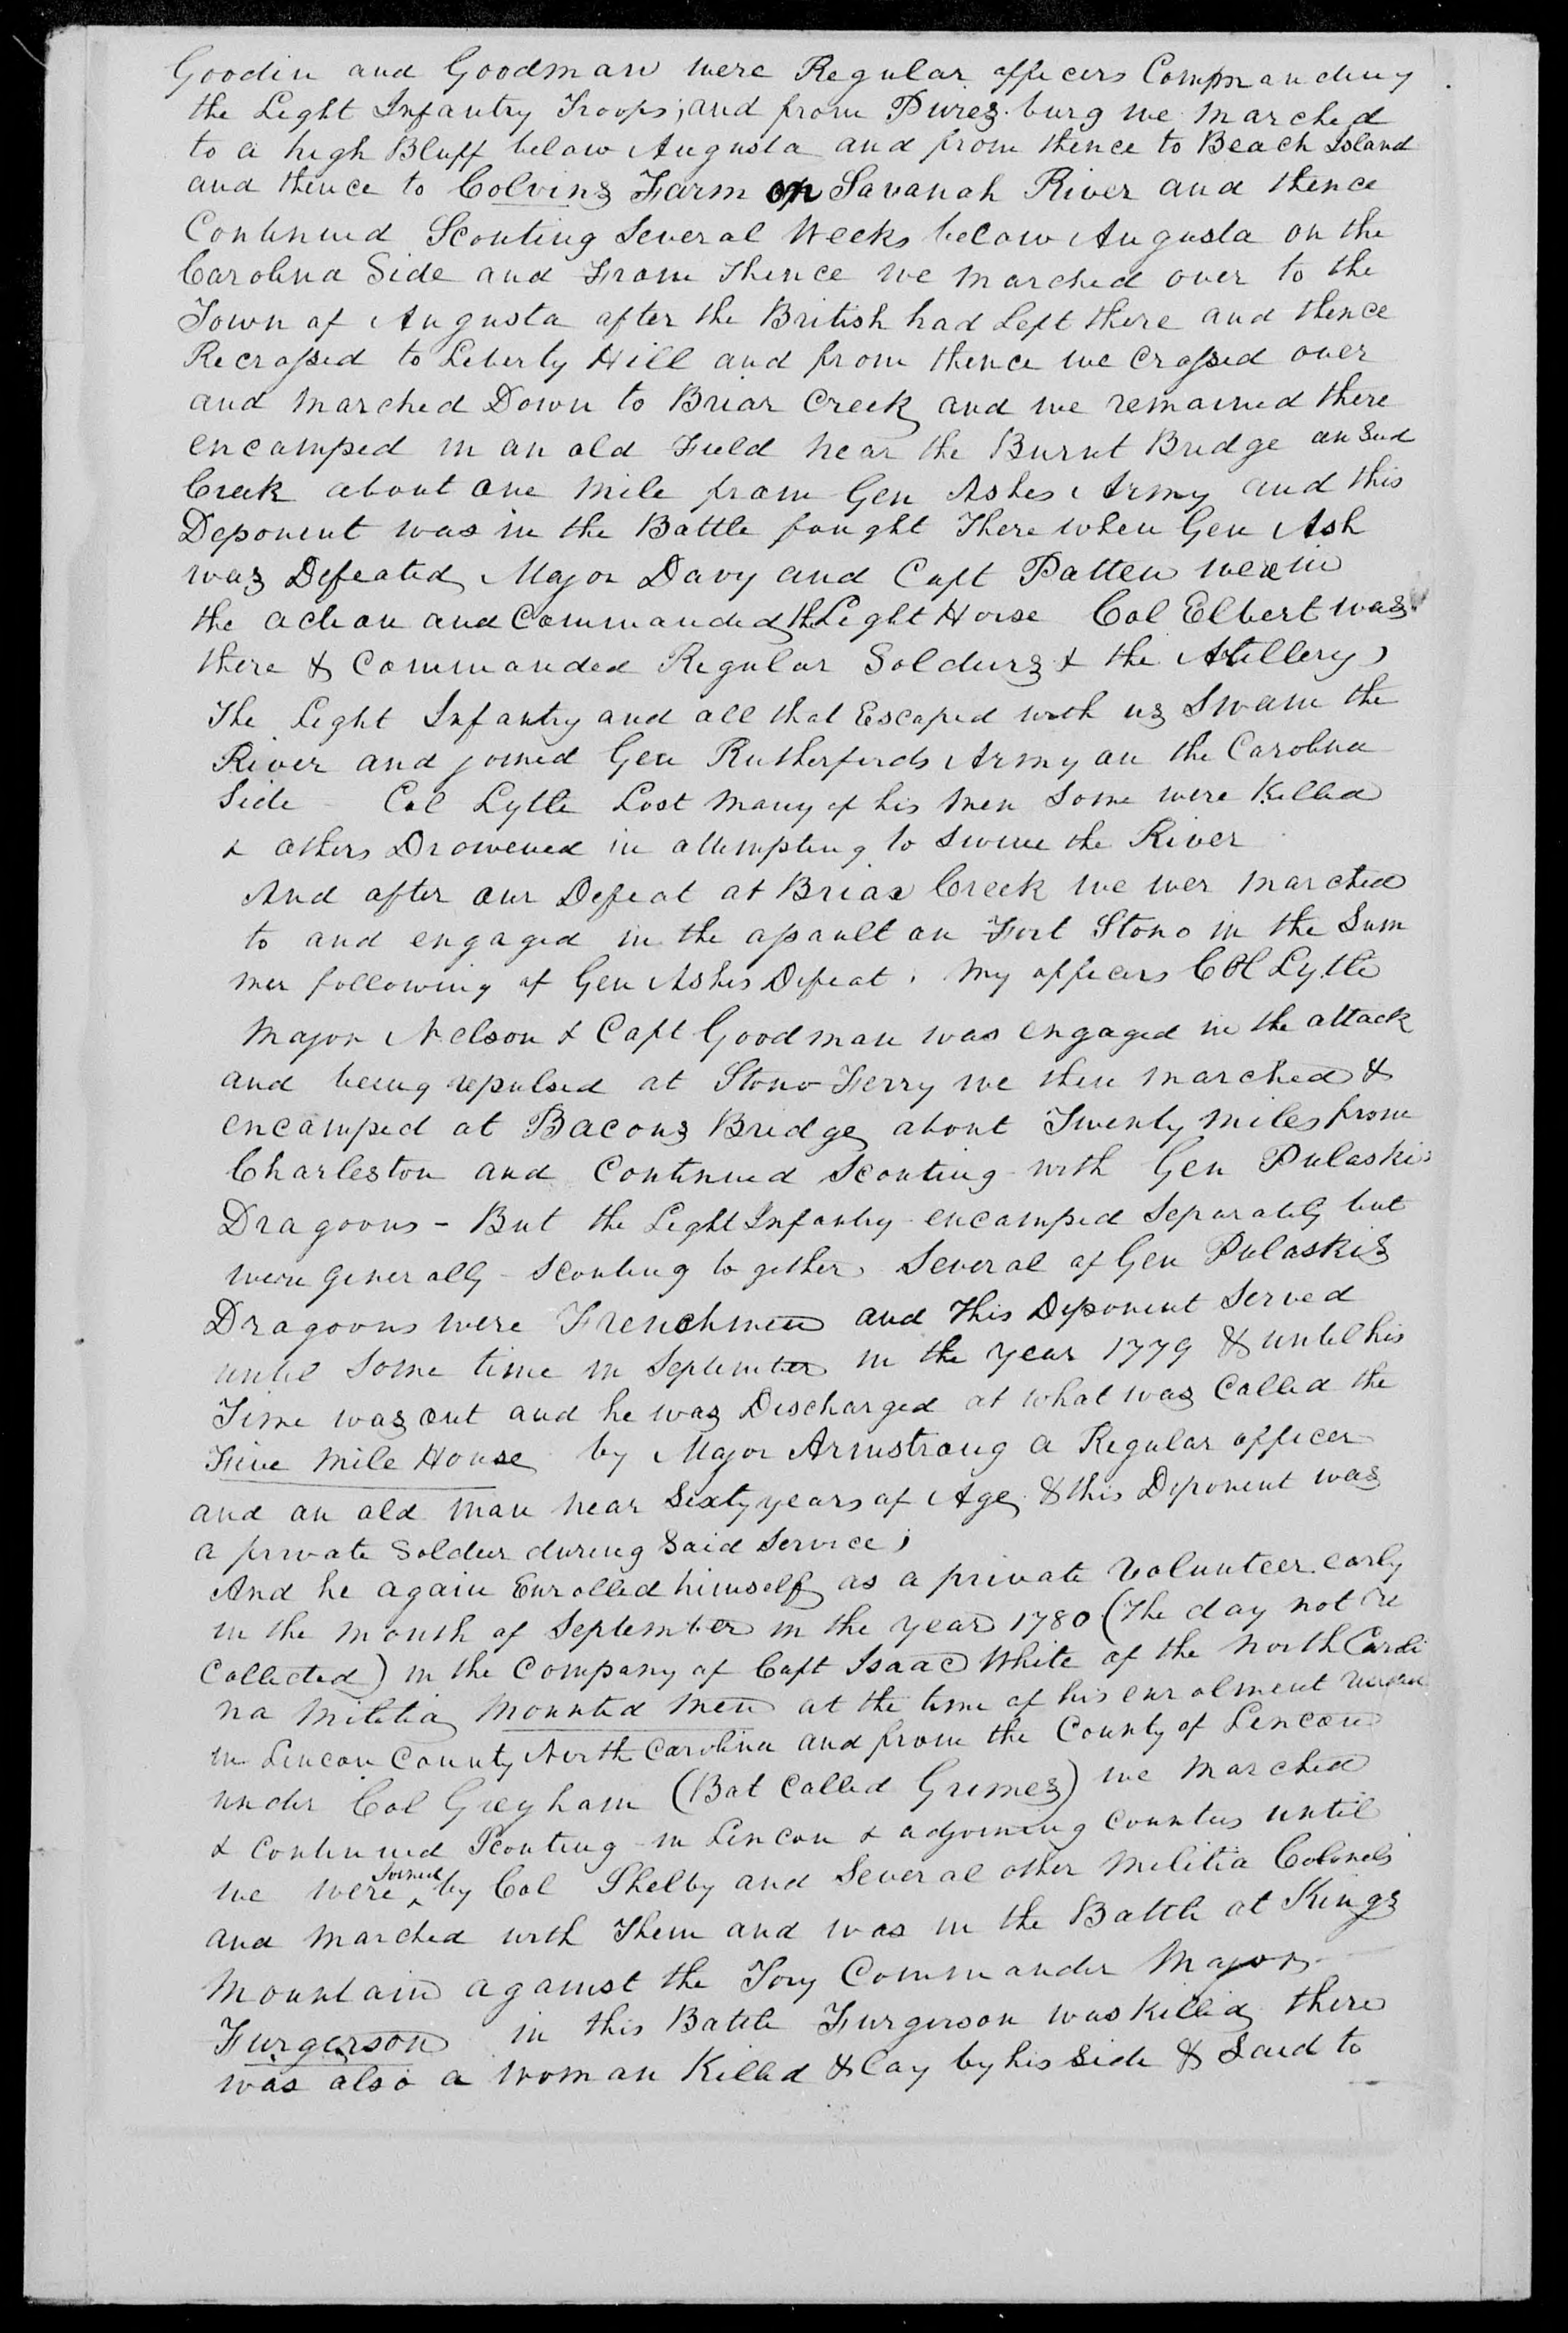Goodin and Goodman were Regular officers Commanding the Light Infantry Troops; and from Puresburg we marched to a high bluff below Augusta and from thence to Beach Island and thence to Colvins Farm on Savanah River and thence Continued Scouting several weeks below Augusta on the Carolina side and from thence we marched over to the Town of Augusta after the British had left there and thence Recrossed to Liberty Hill and from thence we crossed over and marched down to Briar Creek and we remained there encamped in an old field near the Burnt Bridge and Sud Creek about one mile from Gen Ashes Army and this Deponent was in the Battle fought there when Gen Ash was defeated Major Davy and Capt Patten were in the action and commanded the Light Horse Col Elbert was
there & commanded Regular Soldiers & the Artillery, The Light Infantry and all that escaped with us Swam the River and joined Gen Rutherfords Army on the Carolina side. Col Lytle Lost many of his men some were killed &
others Drowned in attempting to swim the River
And after our defeat at Briar Creek we wer marched to and engaged in the assault on Fort Stone in the Summer following of Gen Ashes Defeat; my officers Col Lytle Major Nelson & Capt Goodman was engaged in the attack
and being repulsed at Stone Ferry we then marched & encamped at Bacons Bridge about Twenty miles from Charleston and continued scouting with Gen Pulaski's Dragoons - But the Light Infantry encamped separately but
were generally scouting together several of Gen Pulaskis Dragoons were Frenchmen and this Deponent served until some time in September in the year 1779 & until his
Time was out and he was Discharged at what was called the Five Mile House by Major Armstrong a Regular officer and an old man near sixty years of Age & this Deponent was a
private soldier during said service, And he again enrolled himself as a private volunteer early in the month of September in the year 1780 (the day not recollected) in the company of Capt Isaac White of the North Carolina militia mounted men at the time of his enrolment [illegible] in Lincon County North Carolina and from the County of Lincon
under Col Greyham (Bat called Grimes) we marched & continued scouting in Lincon & adjoining counties until we  were formed by Col Shelby and Several other Militia Colonels 
and marched with them and was in the Battle at Kings Mountain against the Tory Commander Major Furgerson [ Ferguson ]
in this battle Furgerson was killed there
was also a woman killed & lay by his side & said to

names: Goodman, Isaac White, Grimes, Armstrong, Goodman, Lytle, Patten, Greyham, Lytle, Goodin, Elbert, Ash, Nelson, Shelby, Davy, Ash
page: 9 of 18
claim: survivor's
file: S. 15176, George Hofstalar, N.C.